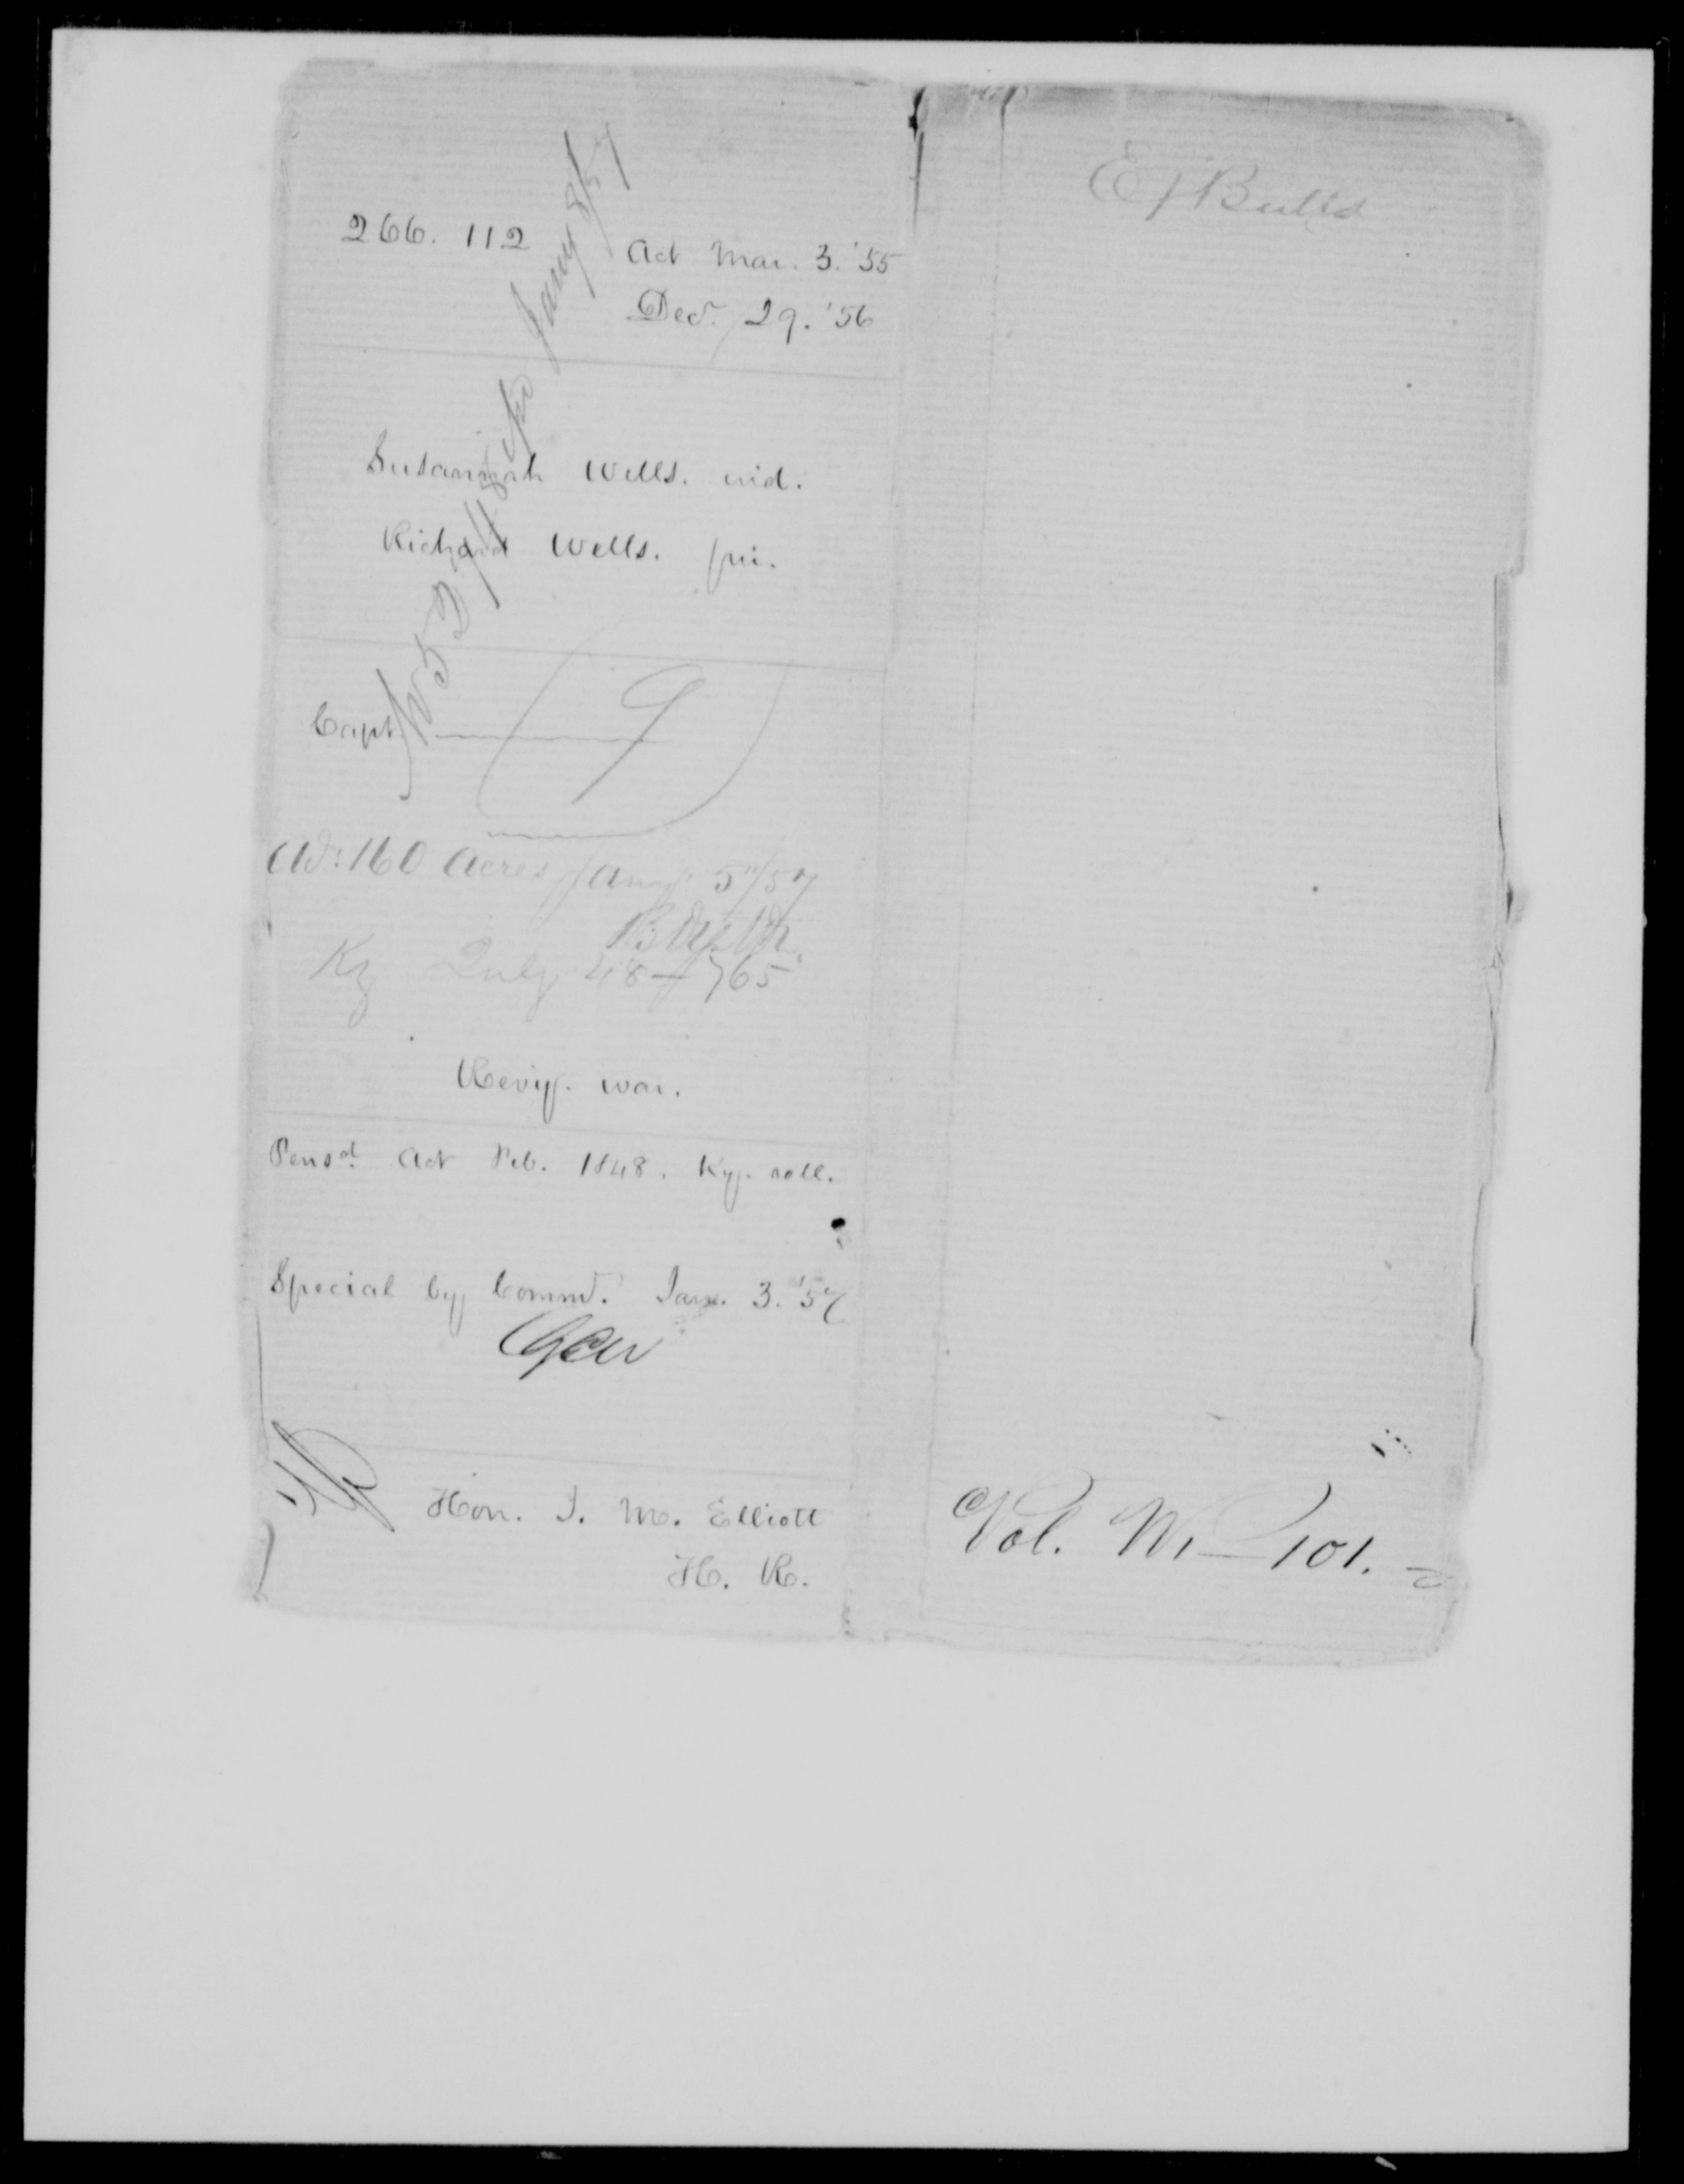266. 112
Act Mar 3.55
Decr 29.56
Susannah Wells wid
Richard Wells pri.
Capt. [blank] 9
W. 160 Acres Jan 5 /57
Boynton
Ky July 48-765
Revy War.

Pen Act Feb. 1848. Ky.  [?]
Special by
Comm. Jan 3 '57
GCW

Hon. J. M. Elliott
H. R.

E H Butts
Vol. W.101.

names: Susannah Wells, Richard Wells, J M Elliott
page: 4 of 100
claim: widow's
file: W. 6437, Richard Wells, Ga Va.